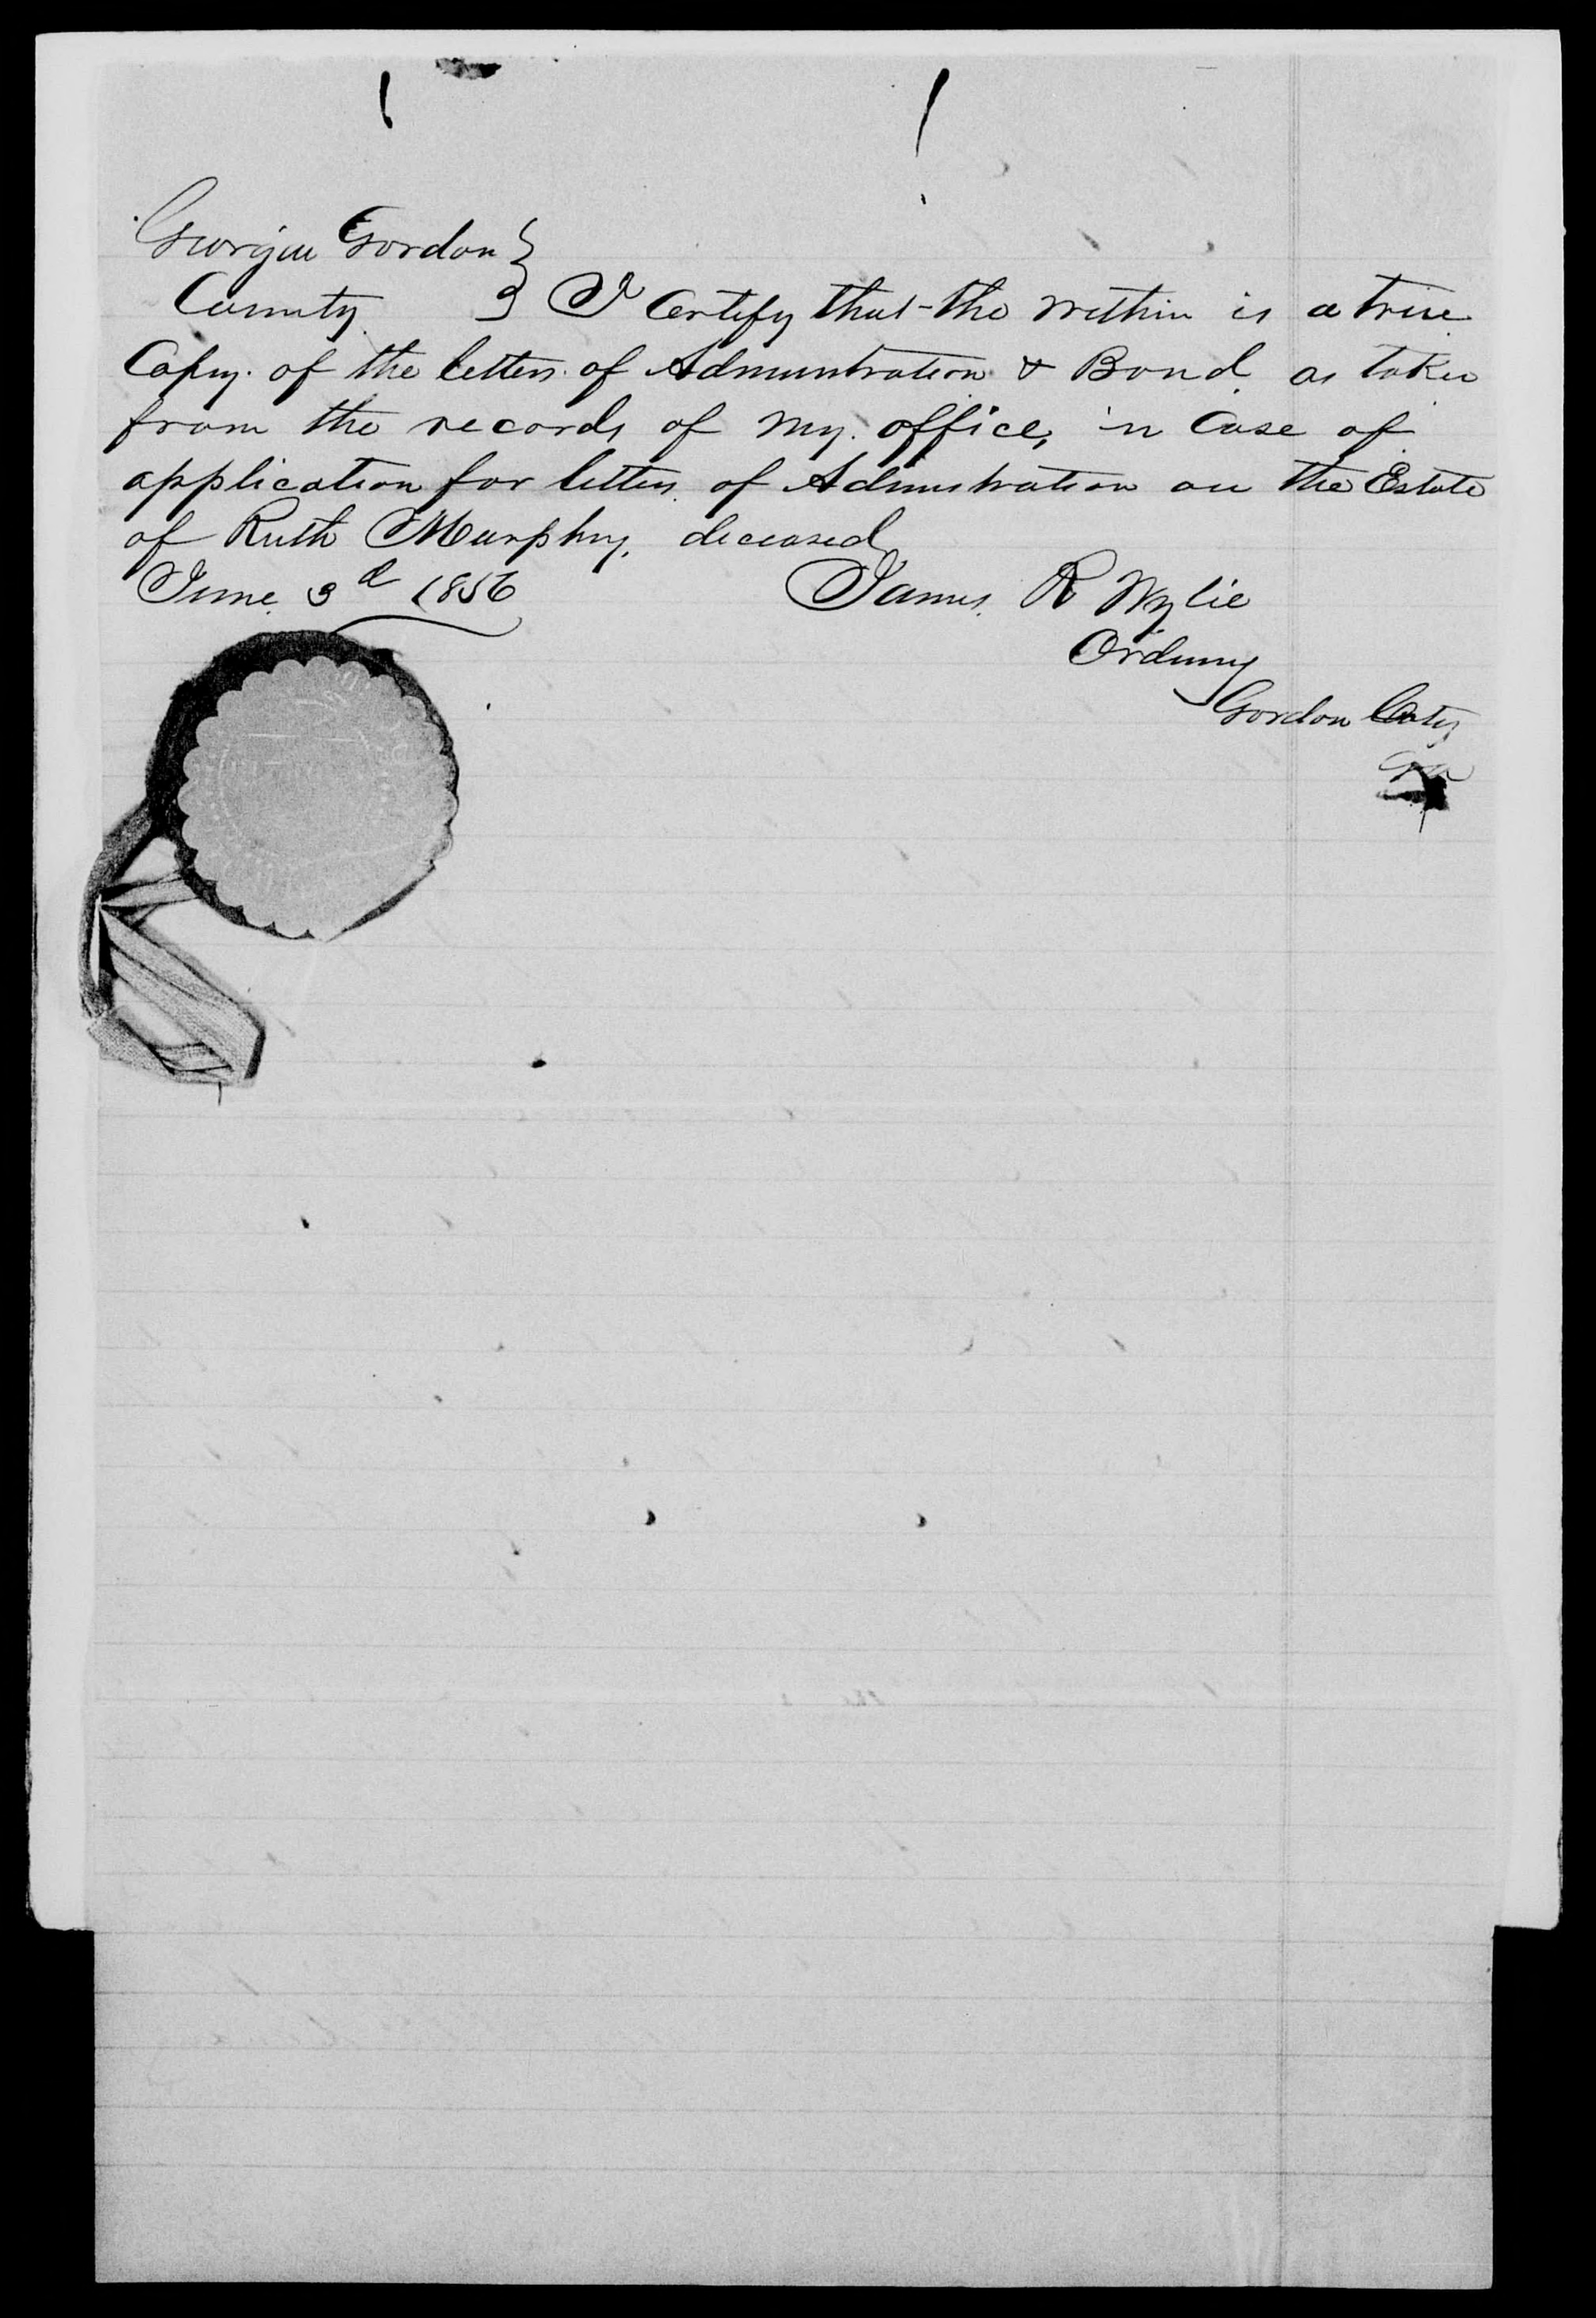Georgia Gordon
County (squiggle line vertically) I certify that- the within is a true copy of the letter of Administration & Bond as taken from the records of my office  in case of application for letter of Administration on the Estate of Ruth Murphy, deceased June 3rd 1856 (squiggle line underneath)
James R Wyley
Ordinary
Gordon Gaty
Seal with ribbon but words are not legible. The seal is decorative with cutout edges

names: Ruth Murphy, James R Wylie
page: 67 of 108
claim: rejected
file: R. 7,515, John Hudgins, N.C.